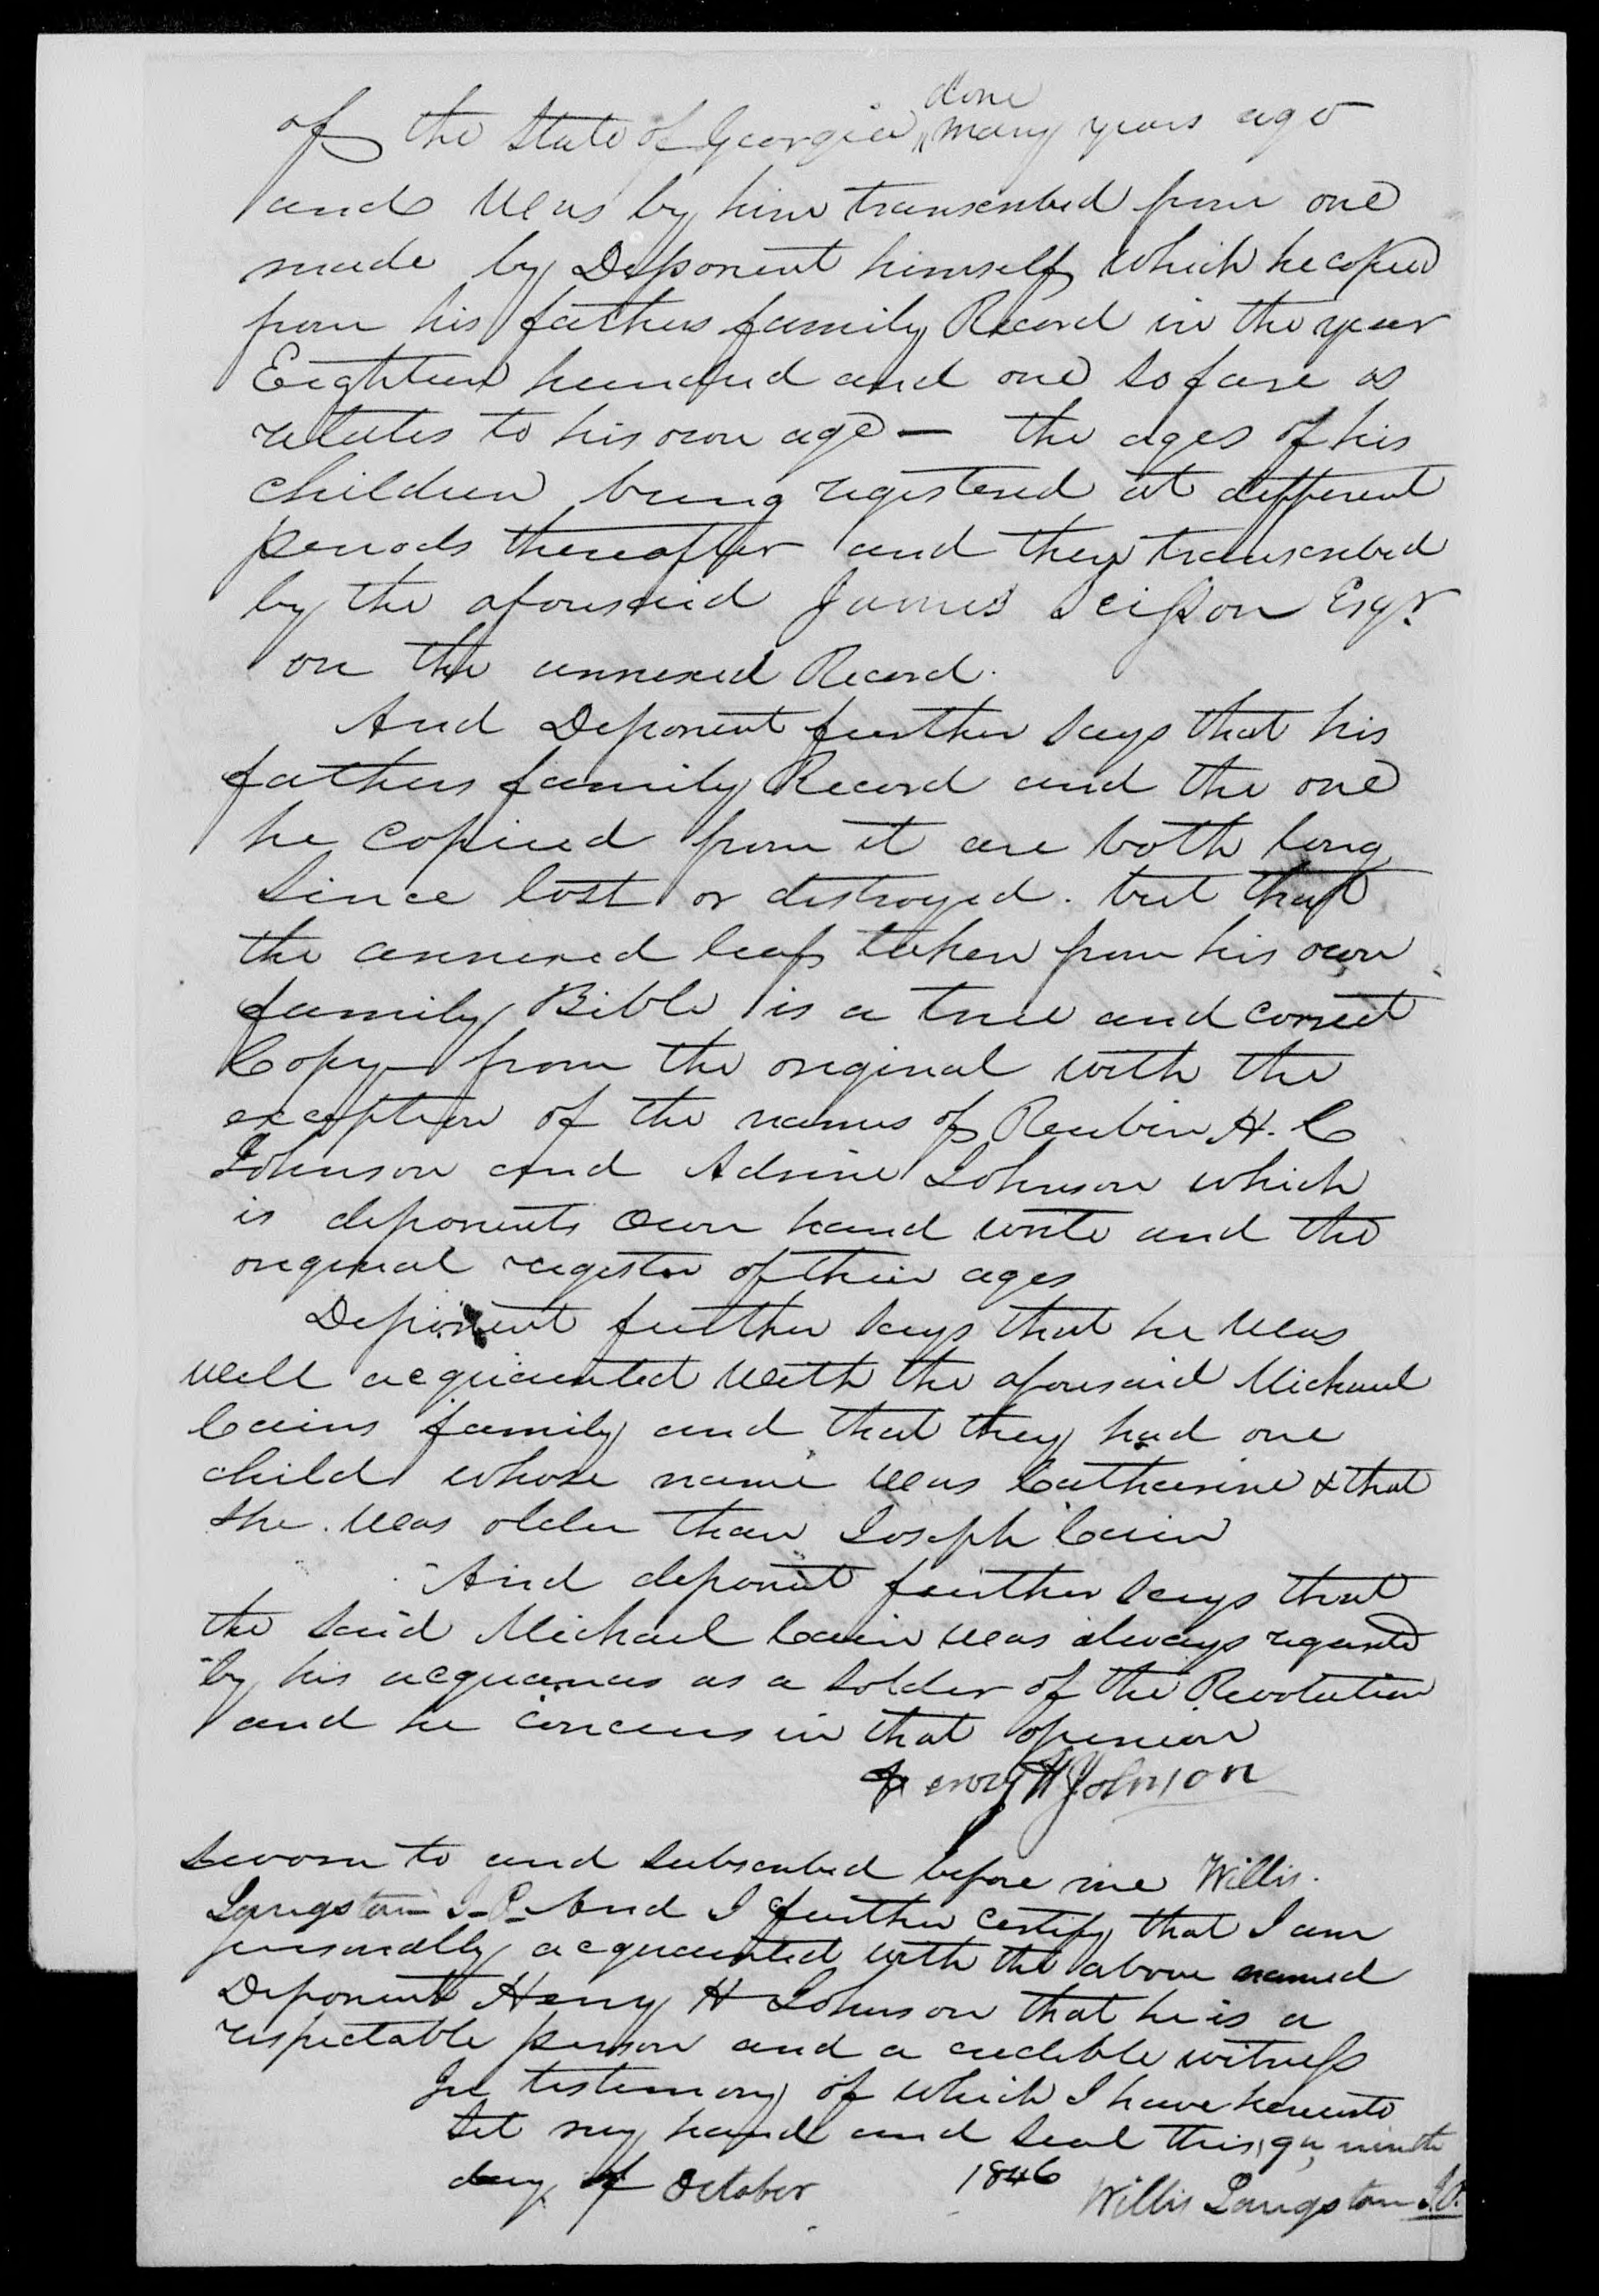of the State of Georgia ^done many years ago and was by him transcribed from one made by Deponent himself which he copied from his fathers family Record in the year Eighteen hundred and one so fare as relates to his own age - the ages of his children being registered at different periods thereafter and then transcribed by the aforesaid James Seisson Esqr. on the annexed Record.

And Deponent further says that his fathers family Record and the one he copied from it are both long Since lost or destroyed but that the annexed leafs taken from his own family Bible is a true and correct Copy from the original with the exception of the names of Reubin H. C. Johnson and Adrine Johnson which is deponents own hand write and the original register of their ages

Deponent further says that he was well acquainted with the aforesaid Michael Cains family and that they had one child whose name was Catharine & that she was older than Joseph Cain

And deponent further says that the said Michael Cain was always regarded by his acquaintances as a soldier of the Revolution and he concurs in that opinion
S/Henry H Johnson

Sworn to and subscribed before me Willis Langston J.P. and I further certify that I am personally acquainted with the above named Deponent Henry J Johnson that he is a respectable person and a credible witness 

In testimony of which I have hereunto set my hand and seal this, 9th, ninth day of October 1846
S/Willis Langston J.P.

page: 22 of 26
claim: widow's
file: W. 4464, for John H Johnson, Georgia